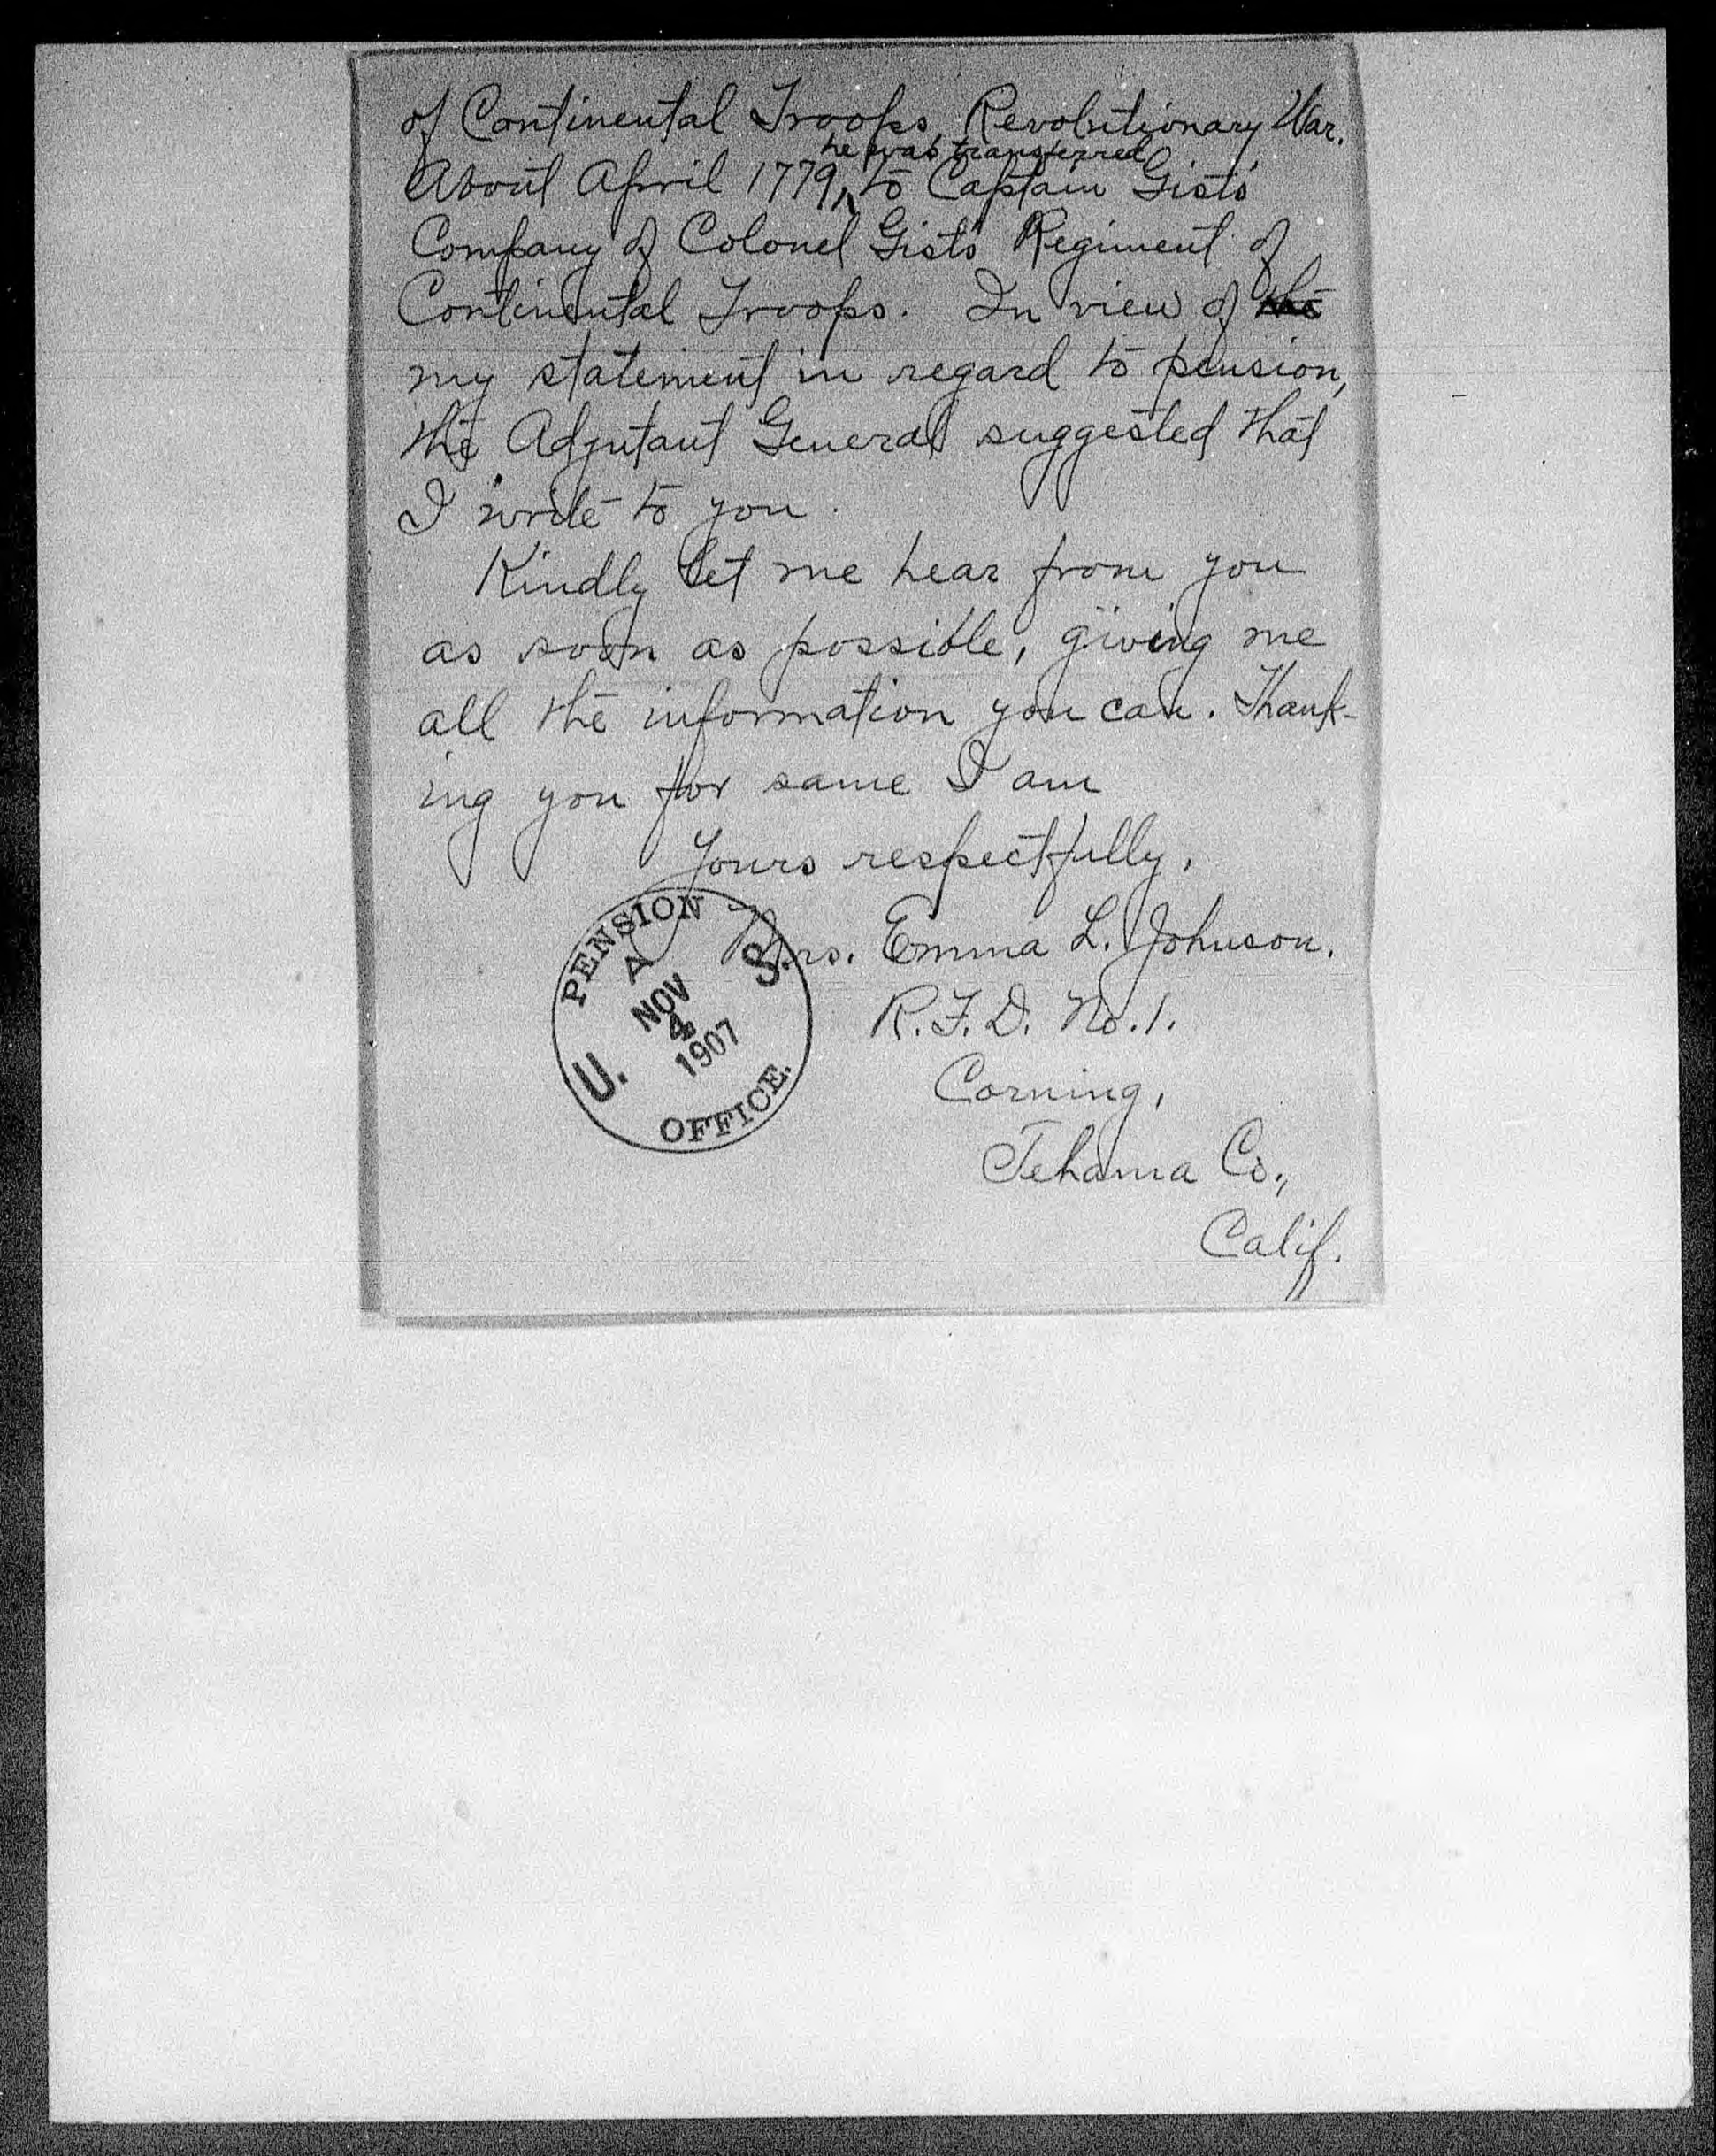of Continental Troops, Revolutionary War, about April 1779, reports transferred to Captain Gist's Company of Colonel Gist's Regiment of Continental Troops. In view of my statement in regard to pension, the Adjutant General suggested that I wrote to you.
Kindly let me hear from you as soon as possible, giving me all the information you can. Thanking you for some I am
Yours respectfully, 
Mrs. Emma L. Johnson.
R.F.D. No. 1. 
Carning, 
Tehanna Co.,
Calif. 


Pension Office 
U.S.
A 
Nov 4 1907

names: Emma L Johnson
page: 56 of 60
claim: widow's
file: W. 19,537, Thomas Griffin, Conn.